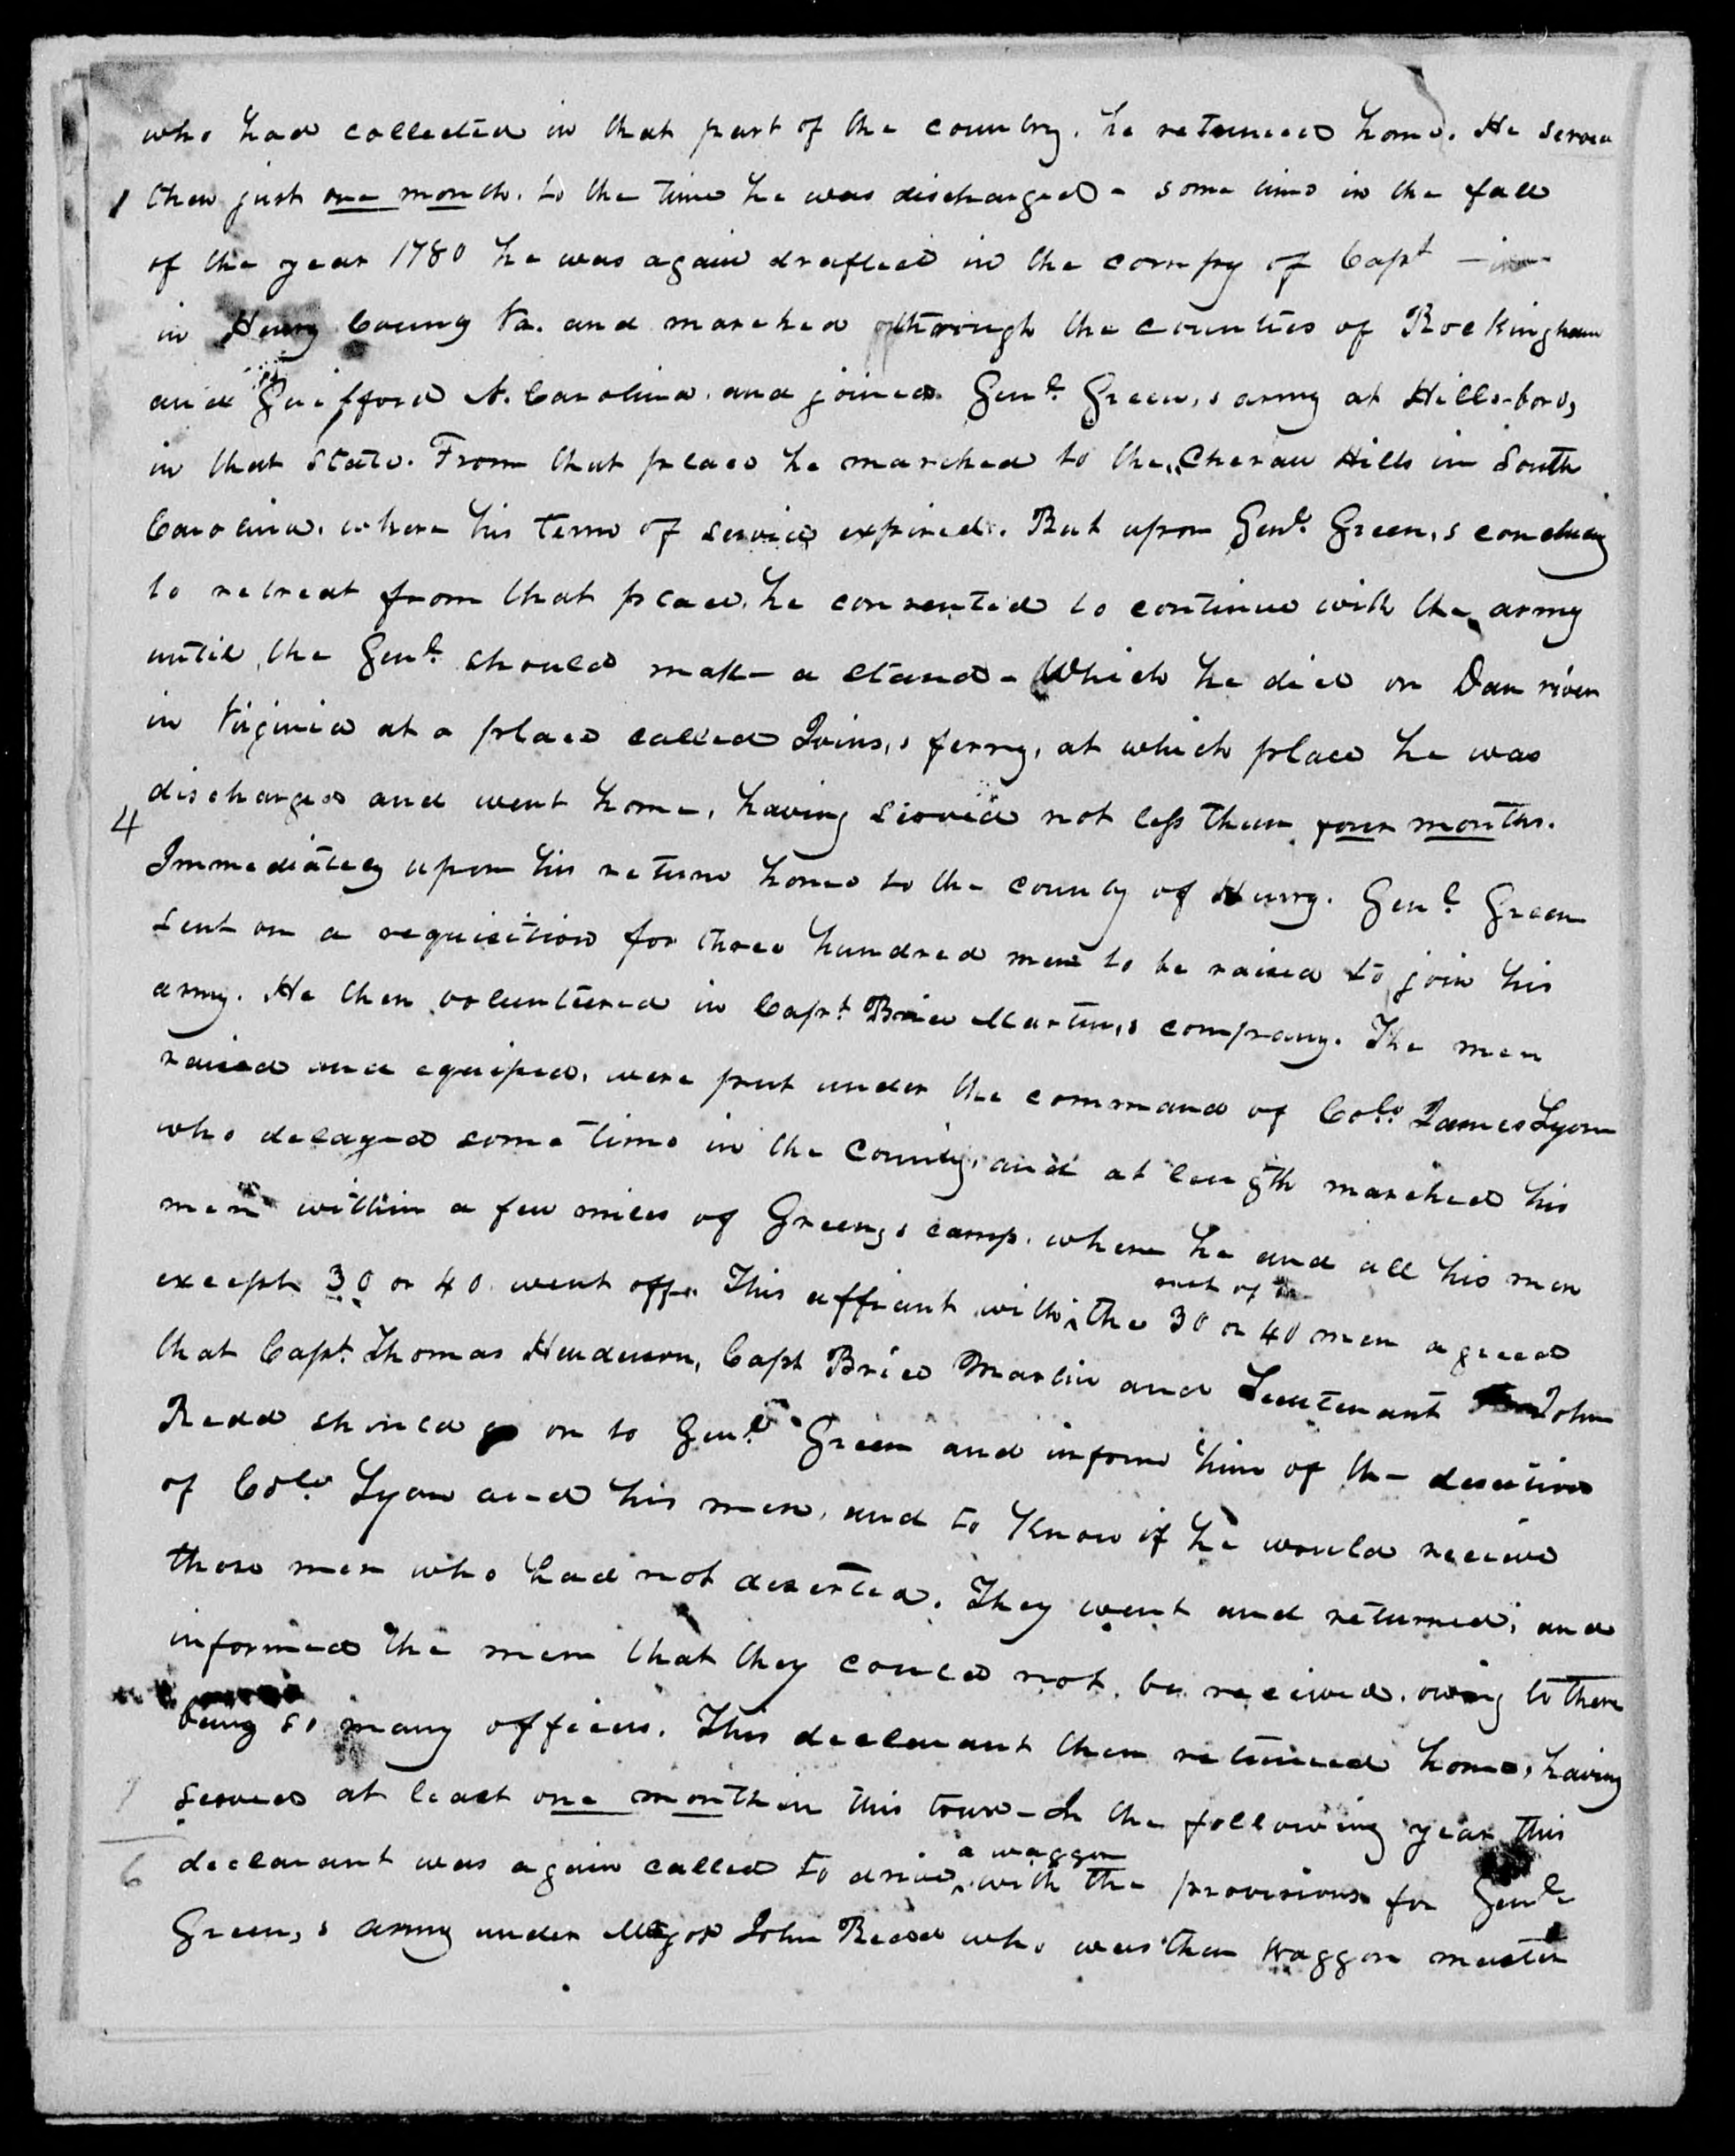who had collected in that part of the country, he returned home. He served then just one month to the time he was discharged. some time in the fall of the year 1780 he was again drafted in the compy of Capt. ___ in Henry County Va. and marched through the counties of Rockingham and Guilford N. Carolina, and joined Gen’l. Green’s [sic: Nathanael Greene’s] army at Hillsboro [sic: Hillsborough], in that state. From that place he marched to the Cheraw Hills in South Carolina [Jan 1781], where his term of service expired. But upon Gen’l. Green’s concluding to retreat from that place, he consented to continue with the army until the Gen’l. should make a stand. Which he did on Dan river in Virginia at a place called Irvin’s ferry [sic: Irvine’s Ferry about 4 mi W of present South Boston VA, at which place he was discharged and went home, having served not less that four months. Immediately upon his return home to the county of Henry, Gen’l. Green sent in a requisition for three hundred men to be raised to join his army [before the Battle of Guilford Courthouse NC, 15 Mr 1781]. He then volunteered in Capt. Brice Martin’s company. The men raised, and equiped, were put under the command of Col. James Lyon who delayed some time in the county and at length marched his men within a few miles of Green’s camp, when he and all his men except 30 or 40 went off. This affiant with the 30 or 40 men agreed that Capt. Thomas Henderson, Capt. Brice Martin and Lieutenant John Redd [pension application S18174] should go on to Gen’l. Green and inform him of the desertion of Colo. Lyon and his men, and to know if he would receive those men who had not deserted. They went and returned, and informed the men that they could not be received owing to there being too many officers. This declarant then returned home, having served at least one month in this tour. In the following year this declarant was again called to drive a waggon with the provisions for Gen’l. Green’s army under Major John Redd who was then waggon master
[Transcribed and annotated by C. Leon Harris, Revised 17 Sep 2014. revwarapps.org]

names: Green, John Redd, Choules, James Lyom, John Ressel, Green, Lyom, Thomas Henderson, Green, Brice Marlin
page: 4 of 20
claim: survivor's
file: S. 8519, Lewis Franklin, N.C. Va.